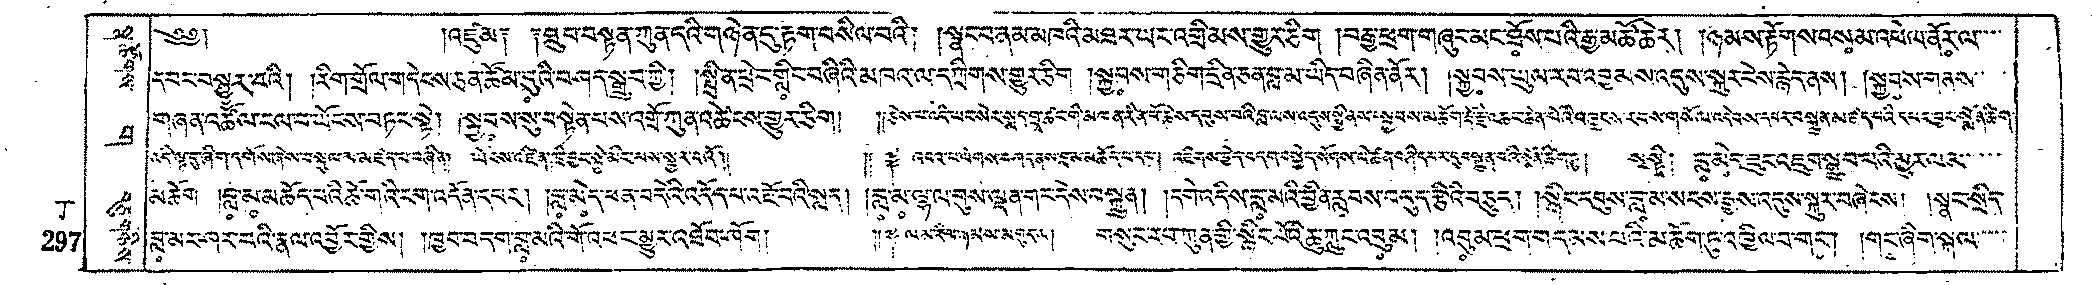༄༅། །འཛུམ༑ ༑ཐུབ་བསྟན་ཀུན་དའི་གཉེན་དུ་རྟག་བསིལ་བའི། །སྣང་བ་ནམ་མཁའི་མཐར་ཡང་འགྲིམས་གྱུར་ཅིག །བརྒྱ་ཕྲག་གཞུང་མང་ཐོས྾་པའི་རྒྱ་མཚོ་ཆེར། །ཉམས་རྟོགས་བསམ྾་འཕེལ་ནོར྾་ལ་་་
དབང་བསྒྱུར་བའི། །རིག་གྲོལ་གདེངས་ཅན་ཚོམ་བུའི་བཤད་སྒྲུབ་ཀྱི། །སྤྲིན་ཕྲེང་གླིང྾་བཞིའི་མཁའ་ལ་དཀྲིགས་གྱུར་ཅིག །སྐྱབས྾་གཅིག་དྲིན་ཅན་བླ་མ་ཡིད་བཞིན་ནོར། །སྐྱབས྾་ཡུལ་རབ་འབྱམས་འདུས་སྐུར་ངེས་རྙེད་ནས། །སྐྱབས྾་གནས་་་
གཞན་འཚོལ་ངལ་བ་ཡོངས་བཏང་སྟེ། །སྐྱབས྾་སུ་བསྟེན་པས་འགྲོ་ཀུན་འཚེངས་གྱུར་ཅིག། །།ཅེས་པ་འདི་ཡང་སེར་སྨད་གྲྭ་ཚང་གི་མཁན་རིན་པོ་ཆེས་དབུས་པའི་བླ་ལས་འདུས་སྤྱི་ནས ༧སྐྱབས་མཆོག་རྡོ་རྗེ་འཆང་ཆེན་པོའི་འཁྲུངས་རབས་གསོལ་འདེབས་དཔར་བསྐྲུན་མཛད་པའི་དཔར་བྱང་སྨོན་ཚིག་
འདི་ལྟ་བུ་ཞིག་དགོས་ཞེས་བསྐུལ་མ་མཛད་པ་བཞིན། ཡོངས་འཛིན་ཁྲི་བྱང་སྐྱེ་མིང་པས་སྦྱར་བའོ།། །། འ་འབའ་པ་ལེགས་བཤད་ནས་བླ་མ་མཆོད་པ་དང་། འཇིགས་བྱེད་བདག་བསྐྱེད་སོགས་ལེ་ཚན་བཞི་དཔར་དུ་བསྐྲུན་པའི་སྨོན་ཚིག་ཏུ། སྭསྟྭི། བླ྾་མེད྾་ཟུང་འཇུག་སྒྲུབ་པའི་མྱུར་ལམ་་་
མཆོག །བླ྾་མ྾་མཆོད་པའི་ཆོ་གའི་ངག་འདོན་དཔར། །བླ྾་མེད྾་ཕན་བདེའི་འདོད་པ་འཇོ་བའི་སླད། །བླ྾་མ྾་ལྷ་ལ་གུས་ལྡན་གང་དེས་བསྐྲུན། །དགེ་འདིས་བླ྾་མའི་བྱིན་རླབས་བདུད་རྩིའི་བཅུད། །སྙིང་དབུས་བླ྾་མ་སངས་རྒྱས་འདུས་སྐུར་བཞེངས། །སྣང་སྲིད་
བླ྾་མར་ཤར་བའི་རྣལ་འབྱོར་གྱིས། །ཁྱབ་བདག་བླ྾་མའི་གོ་འཕང་མྱུར་འཐོབ་ཤོག། །། འ་ལམ་རིམ་ཉམས་མགུར་ལ།  གསུང་རབ་ཀུན་གྱི་སྙིང་པོའི་ཆུ་ཀླུང་འབུམ྾་།འབུམ྾་ཕྲག་གདམས་པའི་མཆོག་ཏུ་འཁྱིལ་བ་གང྾། །གང྾་ཞིག་སྐལ་་་